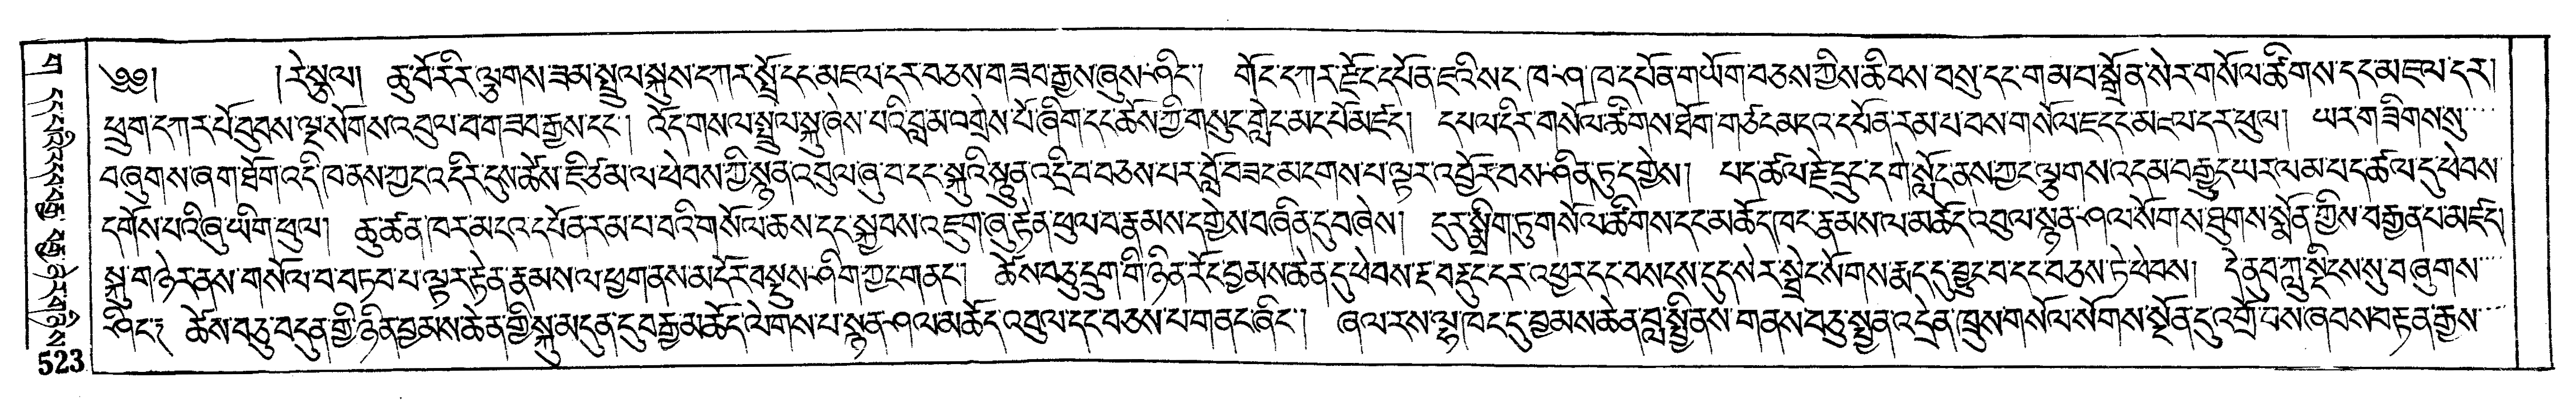༄༅། །རེ་སྩལ། ཆུ་པོ་རིར་ལྕགས་ཟམ་སྤྲུལ་སྐུས་དཀར་སྤྲོ་དང་མཇལ་དར་བཅས་གཟབ་རྒྱས་ཞུས་ཤིང་། གོང་དཀར་རྫོང་དཔོན་ཇའི་སང་ཁ་ཤ་ཁ་དཔོན་གཡོག་བཅས་ཀྱིས་ཆིབས་བསུ་དང་གམ་པ་སྒྲོན་སེར་གསོལ་ཚིགས་དང་མཇལ་དར།
ཕྲུག་དཀར་པོ་བུབས་ལྔ་སོགས་འབུལ་བ་གཟབ་རྒྱས་དང་། འོད་གསལ་སྤྲུལ་སྐུ་ཞེས་པའི་བླ་མ་བགྲེས་པོ་ཞིག་དང་ཆོས་ཀྱི་གསུང་གླེང་མང་པོ་མཛད། དཔལ་དིར་གསོལ་ཚིགས་ཐོག་གཙང་མངའ་དཔོན་རམ་པ་བས་གསོལ་ཇ་དང་མཇལ་དར་ཕུལ། ཡར་གཟིགས་སུ་
བཞུགས་ཞག་ཐོག་འདི་ཁ་ནས་ཀྱང་འདིར་དུས་ཚེས་ཇི་ཙམ་ལ་ཕེབས་ཀྱི་སྙན་འབུལ་ཞུ་བ་དང་སྐུའི་སྙན་འདྲི་བ་བཅས་པར་བློ་བཟང་མངགས་པ་ལྟར་འབྱོར་པས་ཤིན་ཏུ་དགྱེས། པད་ཚལ་རྗེ་དྲུང་དགེ་སློང་ནས་ཀྱང་ལྕགས་འདམ་བརྒྱུད་ཡར་ལམ་པད་ཚལ་དུ་ཕེབས་
དགོས་པའི་ཞུ་ཡིག་ཕུལ། ཆུ་ཚན་ཁར་མདའ་དཔོན་རམ་པ་བའི་གསོལ་ཆས་དང་སྐྱབས་འཇུག་ཞུ་རྟེན་ཕུལ་བ་རྣམས་དགྱེས་བཞིན་དུ་བཞེས། དུར་སྨྲིག་ཏུ་གསོལ་ཚིགས་དང་མཆོད་ཁང་རྣམས་ལ་མཆོད་འབུལ་སྙན་ཤལ་སོགས་ཐུགས་སྨོན་གྱིས་བརྒྱན་པ་མཛད།
སྐུ་གཉེར་ནས་གསོལ་པ་བཏབ་པ་ལྟར་རྟེན་རྣམས་ལ་ཕྱག་ནས་མདོར་བསྡུས་ཤིག་ཀྱང་གནང་། ཚེས་བཅུ་དྲུག་གི་ཉིན་རོང་བྱམས་ཆེན་དུ་ཕེབས་རྔ་བརྡུང་དར་འཕྱར་དང་བསངས་དུད་སེར་སྦྲེང་སོགས་རྨད་དུ་བྱུང་བ་དང་བཅས་ཏེ་ཕེབས། དེ་ནུབ་ཀླུ་སྡིངས་སུ་བཞུགས་
ཤིང༑ ཚེས་བཅུ་བདུན་གྱི་ཉིན་བྱམས་ཆེན་གྱི་སྐུ་མདུན་དུ་བརྒྱ་མཆོད་ལེགས་པ་སྙན་ཤལ་མཆོད་འབུལ་དང་བཅས་པ་གནང་ཞིང་། ཞལ་རས་ལྷ་ཁང་དུ་བྱམས་ཆེན་བླ་སྤྱི་ནས་གནས་བཅུ་སྤྱན་འདྲེན་ཁྲུས་གསོལ་སོགས་སྔོན་དུ་འགྲོ་བས་ཞབས་བརྟན་རྒྱས་